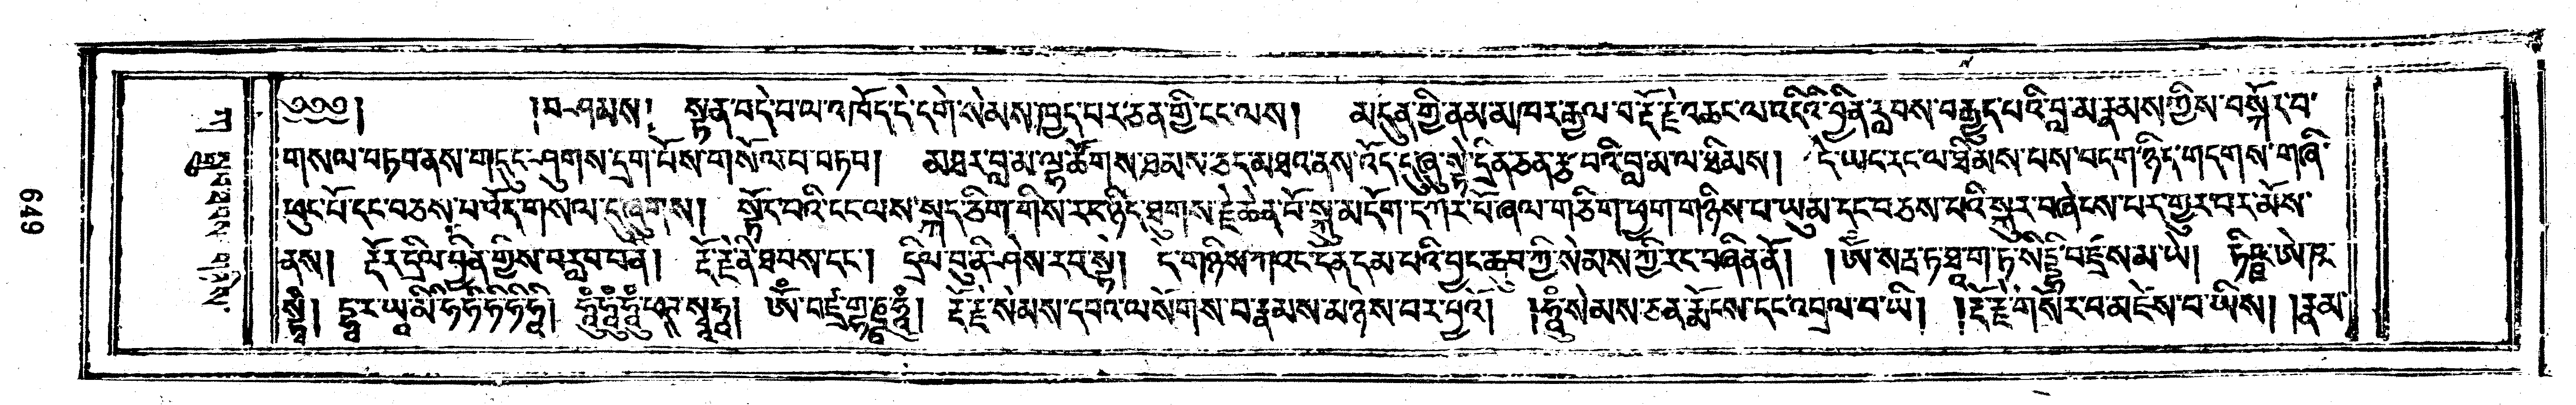༄༅། །བཤམས། སྟན་བདེ་བ་ལ་འཁོད་དེ་དགེ་སེམས་ཁྱད་པར་ཅན་གྱི་ངན་ལས། མདུན་གྱི་ནམ་མཁར་རྒྱལ་བ་རྡོ་རྗེ་འཆང་ལ་འདིའི་བྱིན་རླབས་བརྒྱུད་པའི་བླ་མ་རྣམས་ཀྱིས་བསྐོར་བ་
གསལ་བཏབ་ནས་གདུང་ཤུགས་དྲག་པོས་གསོལ་བ་བཏབ། མཐར་བླ་མ་ལྷ་ཚོགས་ཐམས་ཅད་མཐའ་ནས་འོད་དུ་ཞུ་སྟེ་དྲིན་ཅན་རྩ་བའི་བླ་མ་ལ་ཐིམས། །དེ་ཡང་རང་ལ་ཐིམས་པས་བདག་ཉིད་གདགས་གཞི་
ཕུང་པོ་དང་བཅས་པ་འོད་གསལ་དུ་ཞུགས། སྟོང་བའི་ངང་ལས་སྐད་ཅིག་གིས་རང་ཉིད་ཐུགས་རྗེ་ཆེན་པོ་སྐུ་མདོག་དཀར་པོ་ཞལ་གཅིག་ཕྱག་གཉིས་པ་ཡུམ་དང་བཅས་པའི་སྐུར་བཞེངས་པར་གྱུར་བར་མོས་
ནས། རྡོར་དྲིལ་བྱིན་གྱིས་བརླབ་བ་ནི། རྡོ་རྗེ་ནི་ཐབས་དང་། དྲིལ་བུ་ནི་ཤེས་རབ་སྟེ། དེ་གཉིས་ཀའང་དོན་དམ་པའི་བྱང་ཆུབ་ཀྱི་སེམས་ཀྱི་རང་བཞིན་ནོ། །ཨོཾ་སརྦ་ཏ་ཐཱ་ག་ཏ་སིདྡྷི་བཛྲ་ས་མ་ཡེ། ཏིཥཊཿཨ་ཨེ་ཥ་
སྟྭི། དྷཱ་ར་ཡཱ་མི་ཧེ་ཧེ་ཧེ་ཧེ་ཧཱི། ཧཱུཾ་ཧཱུཾ་ཧཱུཾ་ཧཱུཾ་ཕཊ་སྭཱཧཱ། ཨོཾ་བཛྲ་གྷ་ཎྜཱ་ཧཱུཾ། རྡོ་རྗེ་སེམས་དབའ་ལ་སོགས་བ་རྣམས་མཉེས་བར་བྱའོ། །ཧཱུཾ་སེམས་ཅན་རྨོངས་དང་འབྲལ་བ་ཡི། །རྡོ་རྗེ་གསོར་བ་མཛེས་པ་ཡིས། །རྣམ་